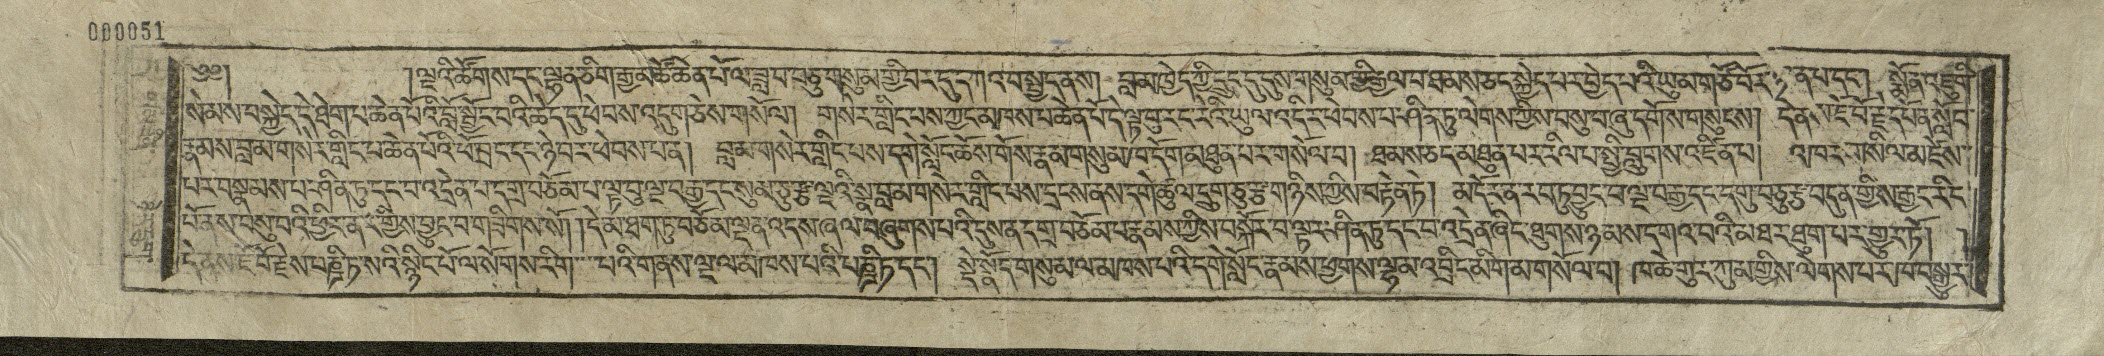༄༅། །ལྔའི་ཚོགས་དང་ལྷན་ཅིག་རྒྱ་མཚོ་ཆེན་པོ་ལ་ཟླ་བ་བཅུ་གསུམ་གྱི་བར་དུ་དཀའ་བ་སྤྱད་ནས། བླ་མ་ཁྱེད་ཀྱི་དྲུང་དུ་དུས་གསུམ་གྱི་རྒྱལ་བ་ཐམས་ཅད་སྐྱེད་པར་བྱེད་པའི་ཡུམ་གཙོ་བོར་ཉན་པ་དང་། སྨོན་འཇུག་གི་
སེམས་བསྐྱེད་དེ་ཐེག་པ་ཆེན་པོའི་བློ་སྦྱོང་བའི་ཆེད་དུ་ཕེབས་འདུག་ཅེས་གསོལ། གསེར་གླིང་པས་ཀྱང་མཁས་པ་ཆེན་པོ་དེ་ལྟ་བུ་རང་རེའི་ཡུལ་འདིར་ཕེབས་པ་ཤིན་ཏུ་ལེགས་ཀྱིས་བསུ་བ་ཞུ་དགོས་གསུངས། དེ་ནས་ཇོ་བོ་རྗེ་དཔོན་སློབ་
རྣམས་བླ་མ་གསེར་གླིང་པ་ཆེན་པོའི་ཕོ་བྲང་དང་ཉེ་བར་ཕེབས་པ་ན། བླ་མ་གསེར་གླིང་པས་དགེ་སློང་ཆོས་གོས་རྣམ་གསུམ་ཁ་དོག་མཐུན་པར་གསོལ་བ། ཐམས་ཅད་མཐུན་པར་རིལ་པ་སྤྱི་བླུགས་འཛིན་པ། འཁར་གསིལ་མཛེས་
པར་བསྣམས་པ་ཤིན་ཏུ་དང་བ་འདྲེན་པ་དགྲ་བཅོམ་པ་ལྟ་བུ་ལྔ་བརྒྱ་དང་སུམ་ཅུ་རྩ་ལྔའི་སྣ་བླ་མ་གསེར་གླིང་པས་དྲངས་ནས་དགེ་ཚུལ་དྲུག་ཅུ་རྩ་གཉིས་ཀྱིས་བརྟེན་ཏེ། མདོར་ན་རབ་ཏུ་བྱུང་བ་ལྔ་བརྒྱ་དང་དགུ་བཅུ་རྩ་བདུན་གྱིས་རྒྱང་རིང་
པོ་ནས་བསུ་བའི་ཕྱིར་ནར་གྱིས་བྱུང་བ་གཟིགས་སོ། །དེ་མ་ཐག་ཏུ་བཅོམ་ལྡན་འདས་ཞལ་བཞུགས་པའི་དུས་ན་དགྲ་བཅོམ་པ་རྣམས་ཀྱིས་བསྐོར་བ་ལྟར་ཤིན་ཏུ་དང་བ་འདྲེན་ཞིང་ཐུགས་ཉམས་དགའ་བའི་མཐར་ཐུག་པར་གྱུར་ཏོ། །
དེ་ནས་ཇོ་བོ་རྗེས་པཎྜི་ཏ་སའི་སྙིང་པོ་ལ་སོགས་རིག་པའི་གནས་ལྔ་ལ་མཁས་པའི་པཎྜི་ཏ་དང་། སྡེ་སྣོད་གསུམ་ལ་མཁས་པའི་དགེ་སློང་རྣམས་ཕྱགས་ལྷམ་འབྲིང་མིག་མ་གསོལ་བ། ཁ་ཆེ་གུར་ཀུམ་གྱིས་ལེགས་པར་ཁ་བསྒྱུར་